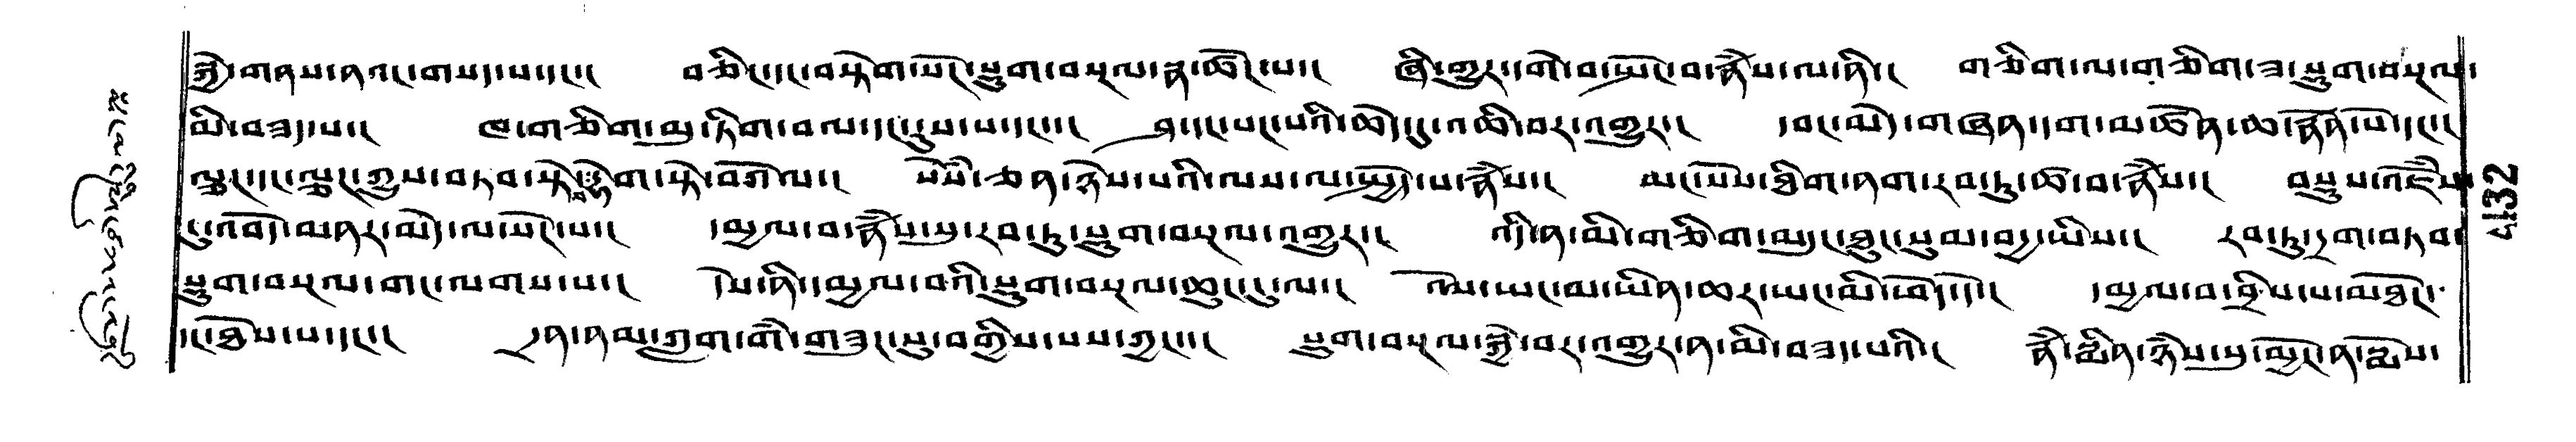སྐྱེ་གནས་ནའང་གསོད་པ་དང་། །བཅིང་དང་རྡེག་སོགས་སྡུག་བསྔལ་སྣ་ཚོགས་པའི། །གཞིར་གྱུར་དགེ་བ་སྤོང་བ་རྣམས་ལ་ནི། །གཅིག་ལ་གཅིག་ཟ་སྡུག་བསྔལ་
མི་བཟད་པ། ཁ་གཅིག་མུ་ཏིག་བལ་དང་རུས་པ་དང་། །ཤ་དང་པགས་པའི་ཆེད་དུ་འཆི་བར་གྱུར། །དབང་མེད་གཞན་དག་མཚོན་ཆ་རྣོན་པོ་དང་། །
ལྕགས་དང་ལྕགས་ཀྱུས་བཏབ་སྟེ་བརྡེག་ཅིང་བཀོལ། །སེམས་ཅན་ཉེས་པའི་ལས་ལ་སྤྱོད་པ་རྣམས། །ཡང་སོས་ཐིག་ནག་རབ་ཏུ་ཚ་བ་དང་། །བསྡུས་འཇོམས་
ངུ་འབོད་མནར་མེད་ལ་སོགས་པ། །དམྱལ་བ་རྣམས་སུ་རབ་ཏུ་སྡུག་བསྔལ་འགྱུར། །འོས་ཡང་མ་ཡིན་ཆར་ཡང་མི་ཕོད་དོ། །དམྱལ་བ་བྲིས་པ་མཐོང་
དང་ཐོས་པ་དང་། །དྲན་ནམ་ཀླག་གམ་གཟུགས་སུ་བགྱིས་པས་ཀྱང་། །སྡུག་བསྔལ་སྐྱེ་བར་འགྱུར་ན་མི་བཟད་པའི། །རྣམ་སྨིན་ཉམས་སུ་མྱོང་ན་སྨོས་